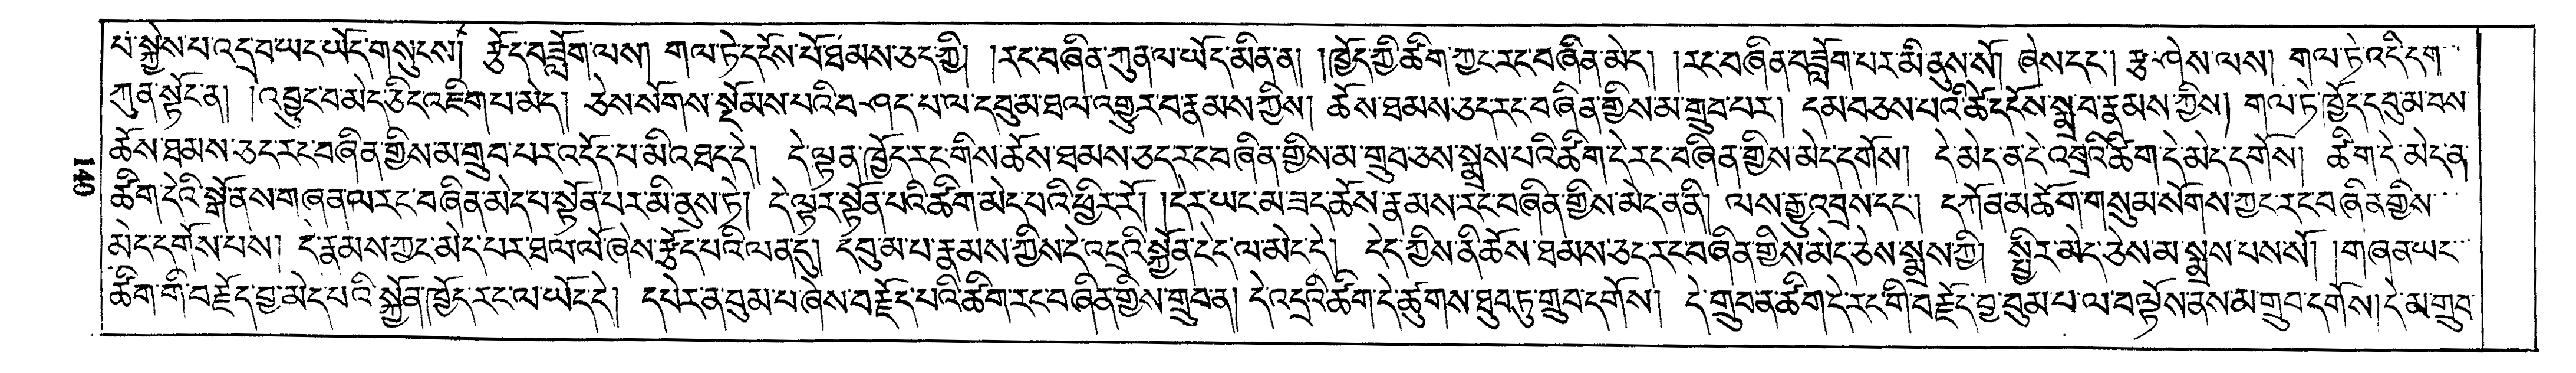པ་སྐྱེས་པ་འདྲ་བ་ཡང་ཡོད་གསུངས། རྩོད་བཟློག་ལས། གལ་ཏེ་དངོས་པོ་ཐམས་ཅད་ཀྱི། །རང་བཞིན་ཀུན་ལ་ཡོད་མིན་ན། །ཁྱོད་ཀྱི་ཚིག་ཀྱང་རང་བཞིན་མེད། །རང་བཞིན་བཟློག་པར་མི་ནུས་སོ། ཞེས་དང་། རྩ་ཤེས་ལས། གལ་ཏེ་འདི་དག་
ཀུན་སྟོང་ན། །འབྱུང་བ་མེད་ཅིང་འཇིག་པ་མེད། ཅེས་སོགས་སྡོམས་པའི་བཤད་པ་ལ་དབུ་མ་ཐལ་འགྱུར་བ་རྣམས་ཀྱིས། ཆོས་ཐམས་ཅད་རང་བཞིན་གྱིས་མ་གྲུབ་པར། དམ་བཅས་པའི་ཚེ་དངོས་སྨྲ་བ་རྣམས་ཀྱིས། གལ་ཏེ་ཁྱོད་དབུ་མ་བས་
ཆོས་ཐམས་ཅད་རང་བཞིན་གྱིས་མ་གྲུབ་པར་འདོད་པ་མི་འཐད་དེ། དེ་ལྟ་ན་ཁྱོད་རང་གི་ཆོས་ཐམས་ཅད་རང་བཞིན་གྱིས་མ་གྲུབ་ཅེས་སྨྲས་པའི་ཚིག་དེ་རང་བཞིན་གྱིས་མེད་དགོས། དེ་མེད་ན་དེ་འདྲའི་ཚིག་དེ་མེད་དགོས། ཚིག་དེ་མེད་ན་
ཚིག་དེའི་སྒོ་ནས་གཞན་ལ་རང་བཞིན་མེད་པ་སྟོན་པར་མི་ནུས་ཏེ། དེ་ལྟར་སྟོན་པའི་ཚིག་མེད་པའི་ཕྱིར་རོ། །དེར་ཡང་མ་ཟད་ཆོས་རྣམས་རང་བཞིན་གྱིས་མེད་ན་ནི། །ལས་རྒྱུ་འབྲས་དང་། དཀོན་མཆོག་གསུམ་སོགས་ཀྱང་རང་བཞིན་གྱིས་
མེད་དགོས་པས། དེ་རྣམས་ཀྱང་མེད་པར་ཐལ་ལོ་ཞེས་རྩོད་པའི་ལན་དུ། དབུ་མ་པ་རྣམས་ཀྱིས་དེ་འདྲའི་སྐྱོན་དེད་ལ་མེད་དེ། དེད་ཀྱིས་ནི་ཆོས་ཐམས་ཅད་རང་བཞིན་གྱིས་མེད་ཅེས་སྨྲས་ཀྱི། སྤྱིར་མེད་ཅེས་མ་སྨྲས་པས་སོ། །གཞན་ཡང་
ཚིག་གི་བརྗོད་བྱ་མེད་པའི་སྐྱོན་ཁྱོད་རང་ལ་ཡོད་དེ། དཔེར་ན་བུམ་པ་ཞེས་བརྗོད་པའི་ཚིག་རང་བཞིན་གྱིས་གྲུབ་ན། དེ་འདྲའི་ཚིག་དེ་ཚུགས་ཐུབ་ཏུ་གྲུབ་དགོས། དེ་གྲུབ་ན་ཚིག་དེ་རང་གི་བརྗོད་བྱ་བུམ་པ་ལ་བལྟོས་ནས་མ་གྲུབ་དགོས་།དེ་མ་གྲུབ་